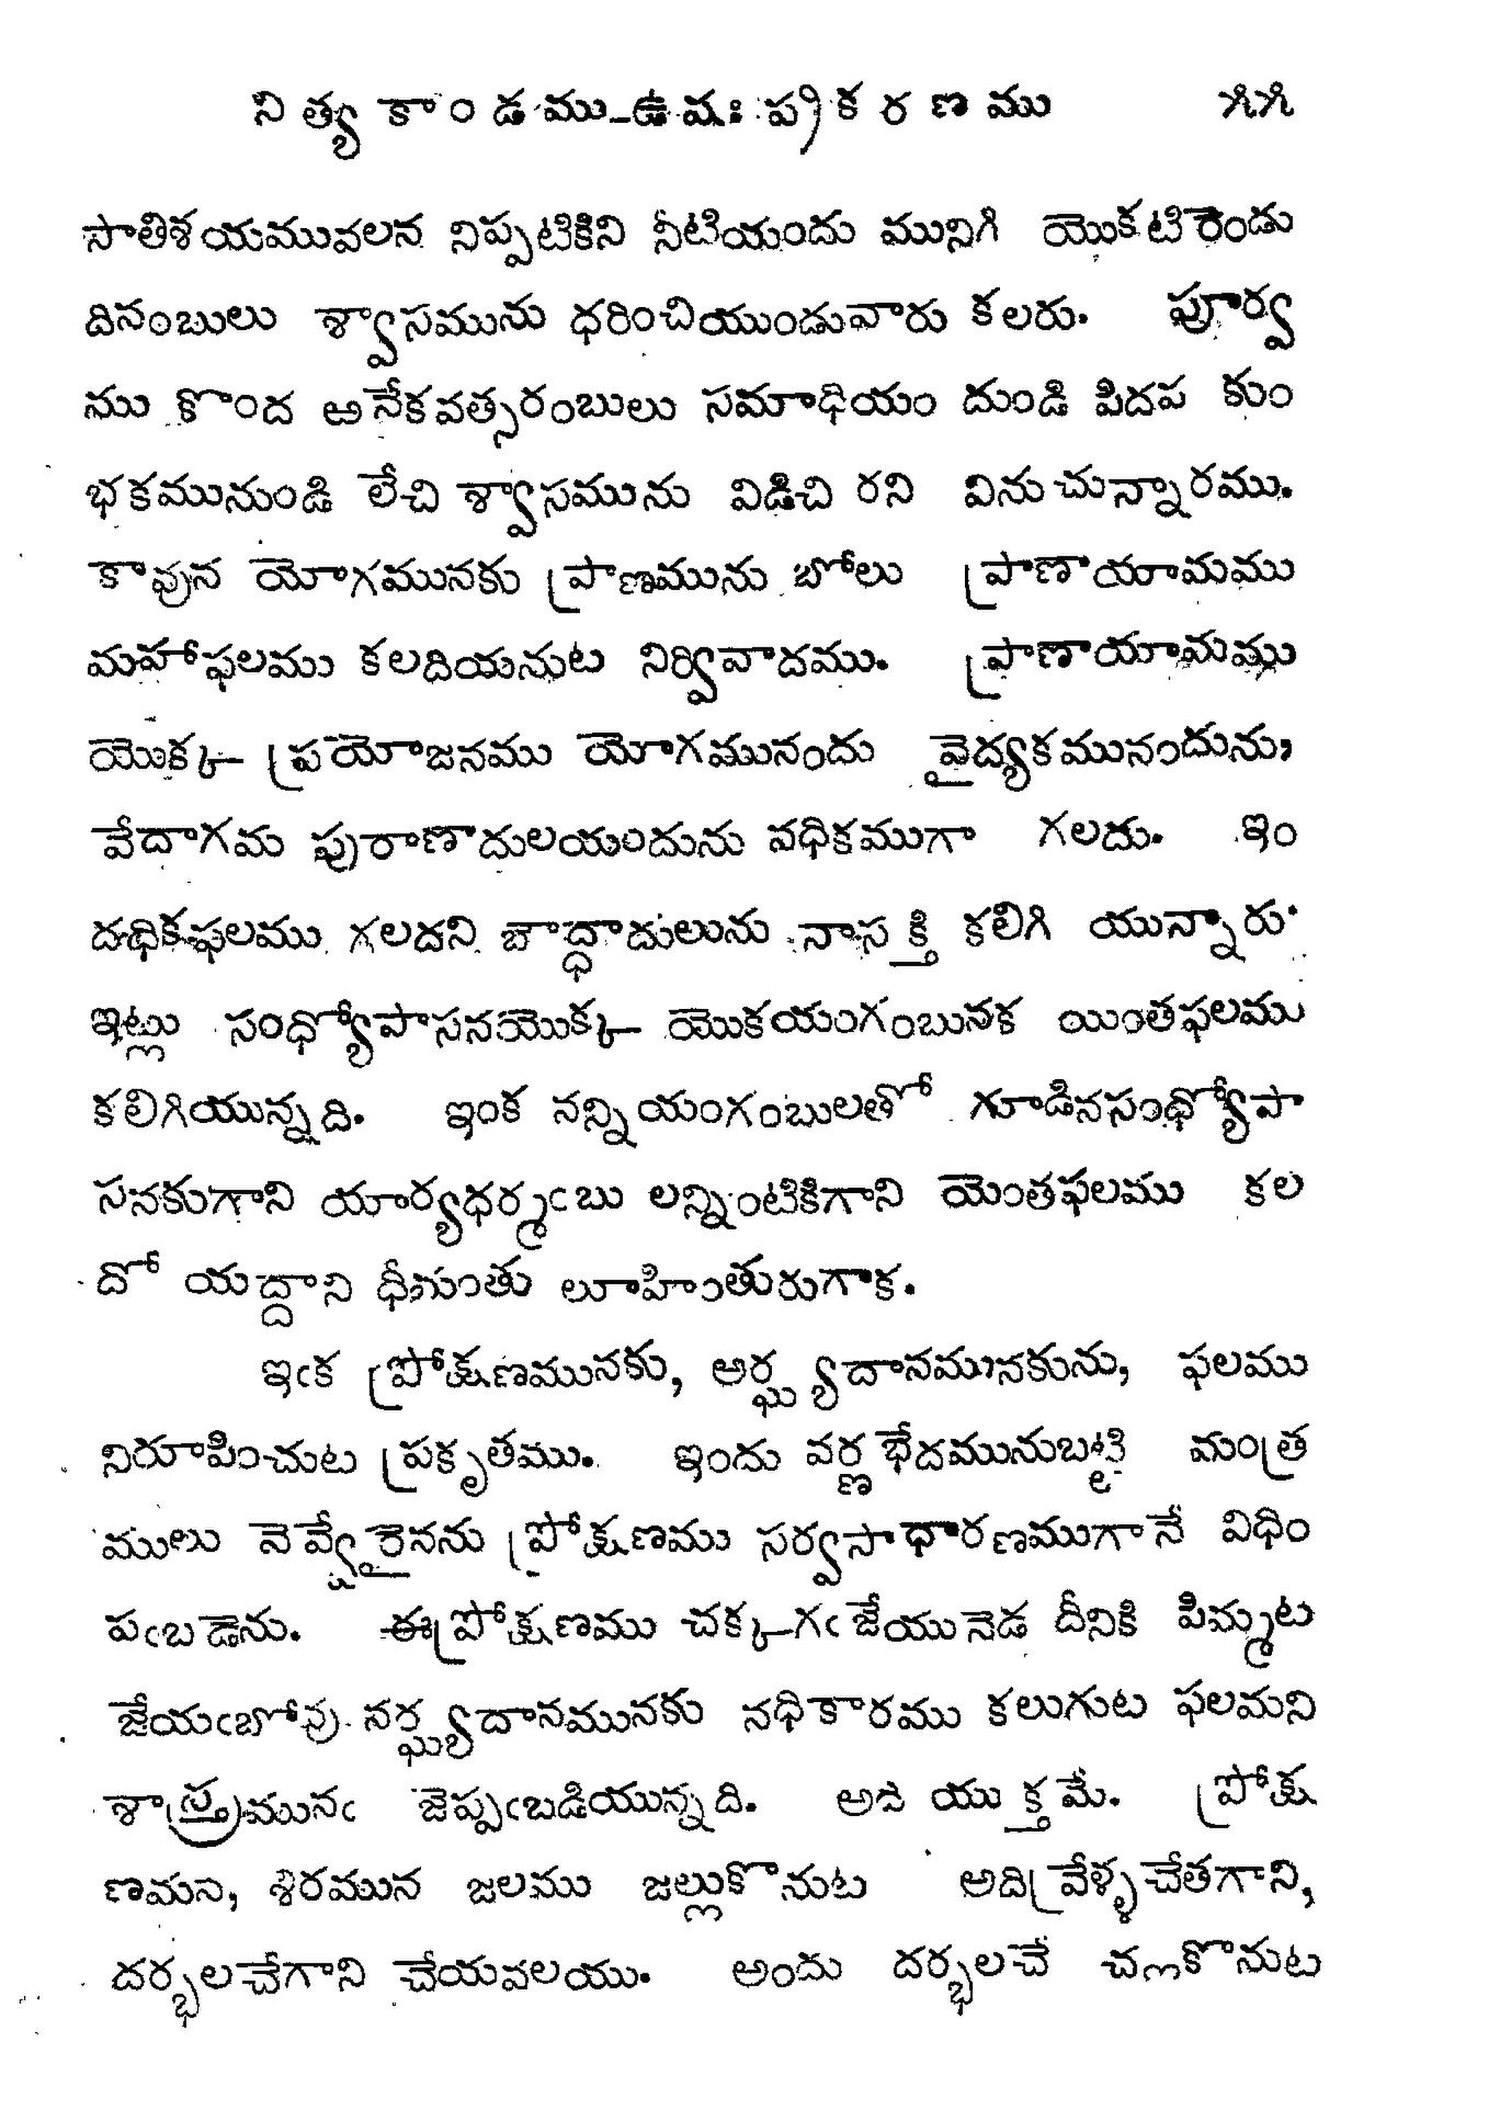సాతిశయమువలన నిప్పటికిని నీటియందు మునిగి యొకటిరెండు దినంబులు శ్వాసమును ధరించియుండువారు కలరు. పూర్వము కొంద ఱనేకవత్సరంబులు సమాధియం దుండి పిదప కుంభకమునుండి లేచి శ్వాసమును విడిచి రని విను చున్నారము. కావున యోగమునకు ప్రాణమును బోలు ప్రాణాయామము మహాఫలము కలదియనుట నిర్వివాదము. ప్రాణాయామము యొక్క ప్రయోజనము యోగమునందు వైద్యకమునందును, వేదాగమ పురాణాదులయందును నధికముగా గలదు. ఇందధికఫలము గలదని బౌద్ధాదులును నాసక్తి కలిగి యున్నారు.
ఇట్లు సంధ్యోపాసనయొక్క యొకయంగంబునక యింతఫలము కలిగియున్నది. ఇంక నన్నియంగంబులతో గూడిన సంద్యోపాసనకుగాని యార్యధర్మంబు లన్నింటికిగాని యెంతఫలము కలదో యద్దాని ధీమంతు లూహింతురుగాక.

ఇఁక ప్రోక్షణమునకు, అర్ఘ్యదానమునకును, ఫలము నిరూపించుట ప్రకృతము. ఇందు వర్ణభేదమునుబట్టి మంత్రములు వెవ్వేరైనను ప్రోక్షణము సర్వసాధారణముగానే విధింపఁబడెను. ఈప్రోక్షణము చక్కగఁజేయునెడ దీనికి పిమ్మట జేయఁబోవు. నర్ఘ్యదానమునకు నధికారము కలుగుట ఫలమని శాస్త్రమునఁ జెప్పఁబడియున్నది. అది యుక్తమే. ప్రోక్షణమని, శిరమున జలము జల్లుకొనుట అదివ్రేళ్ళచేతగాని, దర్భలచేగాని చేయవలయు. అందు దర్భలచే చల్లుకొనుట